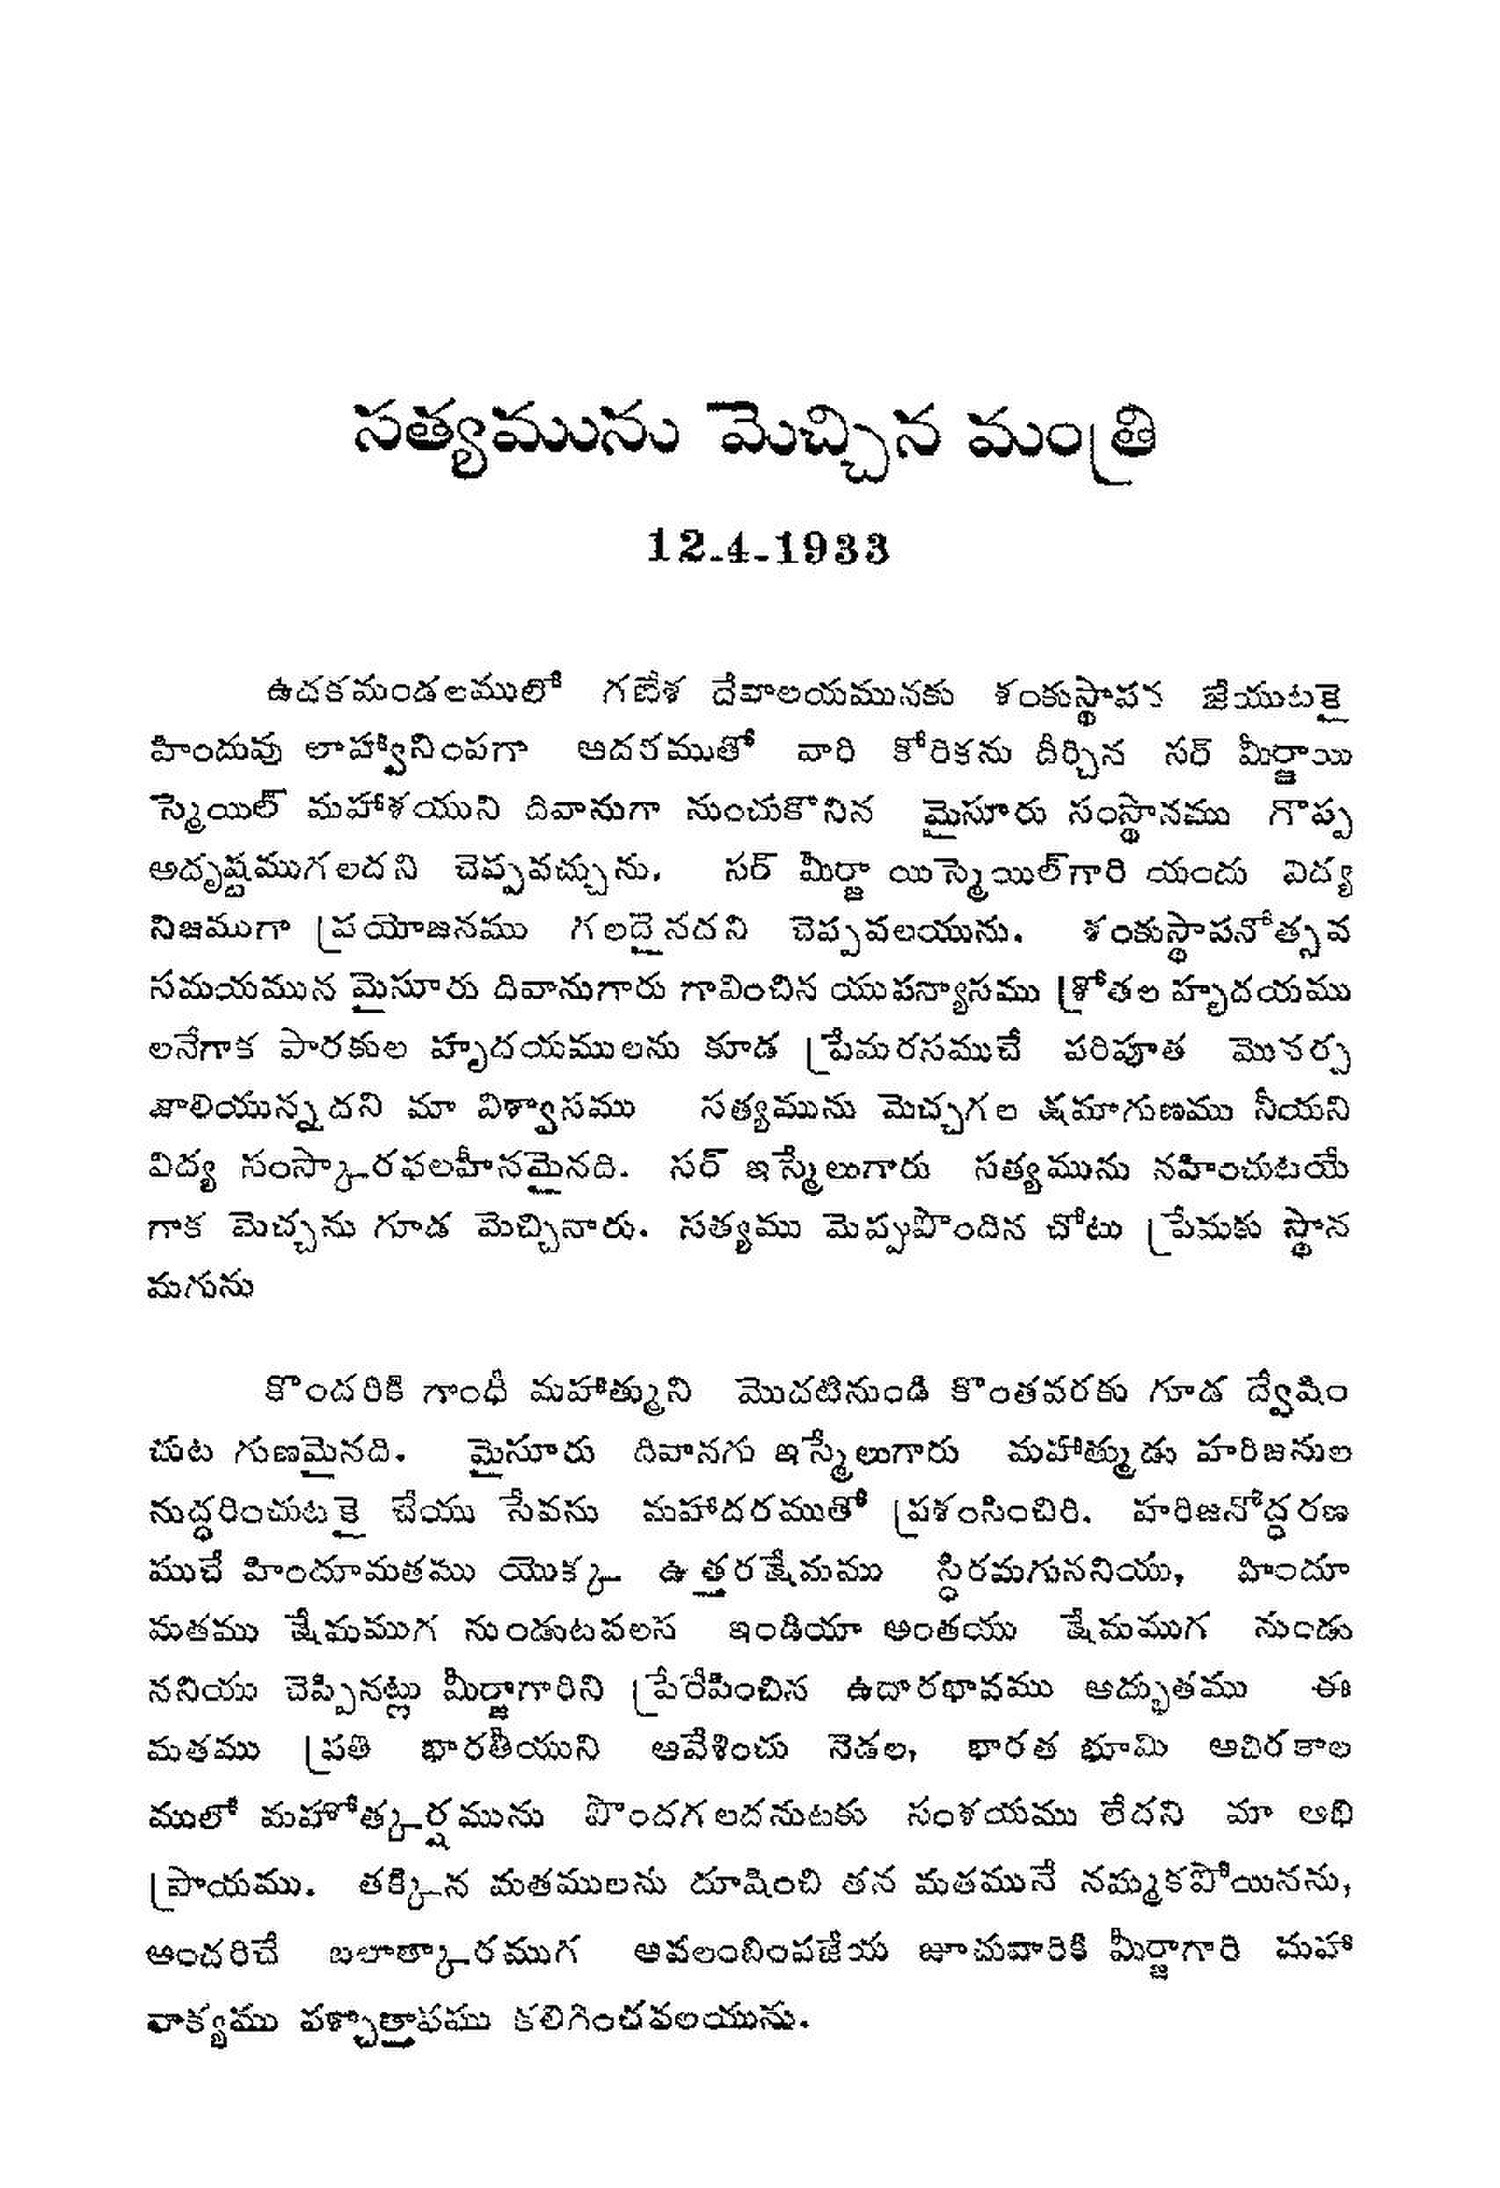సత్యమును మెచ్చిన మంత్రి

12-4-1933

ఉదకమండలములో గణేశ దేవాలయమునకు శంకుస్థాపన జేయుటకై హిందువు లాహ్వానింపగా ఆదరముతో వారి కోరికను దీర్చిన సర్ మీర్జాయి స్మెయిల్ మహాశయుని దివానుగా నుంచుకొనిన మైసూరు సంస్థానము గొప్ప
అదృష్టముగలదని చెప్పవచ్చును. సర్ మీర్జా యిస్మెయిల్‌గారి యందు విద్య నిజముగా ప్రయోజనము గలదైనదని చెప్పవలయును. శంకుస్థాపనోత్సవ సమయమున మైసూరు దివానుగారు గావించిన యుపన్యాసము శ్రోతల హృదయములనేగాక పాఠకుల హృదయములను కూడ ప్రేమరసముచే పరిపూత మొనర్ప జాలియున్నదని మా విశ్వాసము సత్యమును మెచ్చగల క్షమాగుణము నీయని విద్య సంస్కారఫలహీనమైనది. సర్ ఇస్మేలుగారు సత్యమును నహించుటయే గాక మెచ్చను గూడ మెచ్చినారు. సత్యము మెప్పుపొందిన చోటు ప్రేమకు స్థానమగును

కొందరికి గాంధీ మహాత్ముని మొదటినుండి కొంతవరకు గూడ ద్వేషించుట గుణమైనది. మైసూరు దివాను ఇస్మేలుగారు మహాత్ముడు హరిజనుల నుద్ధరించుటకై చేయు సేవను మహాదరముతో ప్రశంసించిరి. హరిజనోద్ధరణముచే హిందూమతము యొక్క ఉత్తరక్షేమము స్థిరమగుననియు, హిందూమతము క్షేమముగ నుండుటవలన ఇండియా అంతయు క్షేమముగ నుండుననియు చెప్పినట్లు మీర్జాగారిని ప్రేరేపించిన ఉదారభావము అద్భుతము ఈ మతము ప్రతి భారతీయుని ఆవేశించు నెడల, భారత భూమి ఆచిరకాలములో మహోత్కర్షమును పొందగలదనుటకు సంశయము లేదని మా అభిప్రాయము. తక్కిన మతములను దూషించి తన మతమునే నమ్మకపోయినను, అందరిచే బలాత్కారముగ అవలంబింపజేయ జూచువారికి మీర్జాగారి మహా వాక్యము పశ్చాత్తాపము కలిగించవలయును.